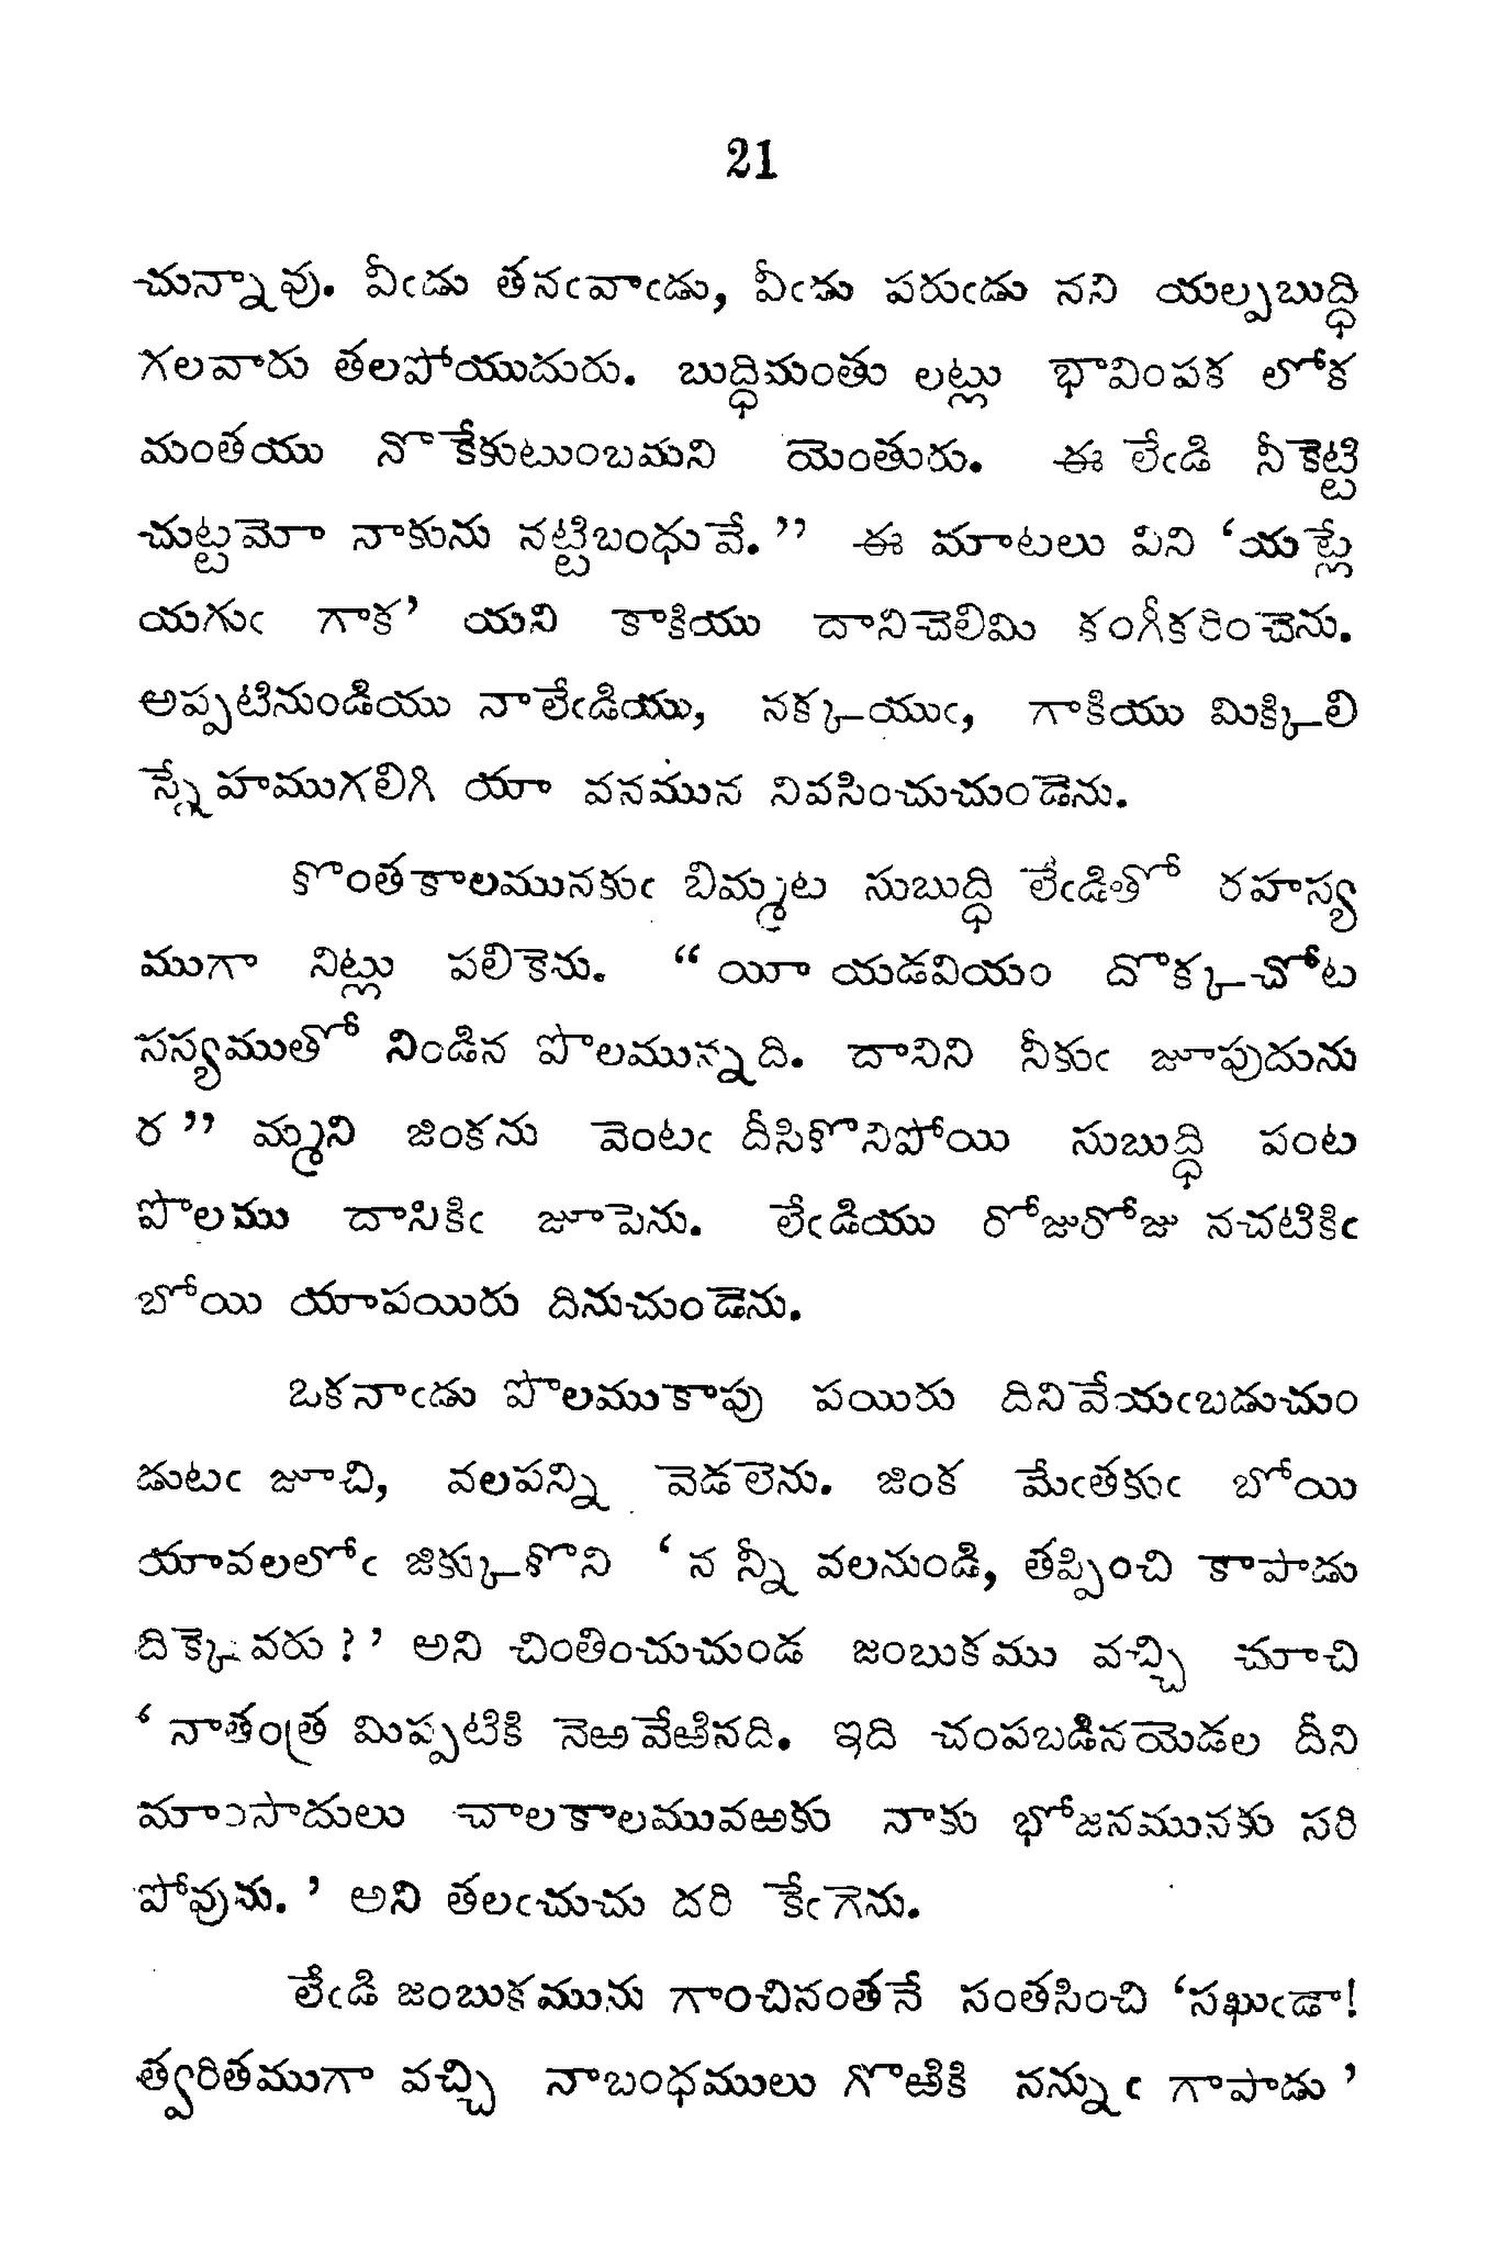చున్నావు. వీడు తనవాడు, వీడు పరుడు నని యల్పబుద్ధి గలవారు తలపోయుదురు. బుద్ధిమంతు లట్లు భావింపక లోకమంతయు నొకేకుటుంబమని యెంతురు. ఈ లేడి నీకెట్టి చుట్టమో నాకును నట్టిబంధువే." ఈ మాటలు విని "యట్లే యగు గాక" యని కాకియు దానిచెలిమి కంగీకరించెను. అప్పటినుండియు నాలేడియు, నక్కయు, గాకియు మిక్కిలి స్నేహముగలిగి యా వనమున నివసించుచుండెను.

కొంతకాలమునకు బిమ్మట సుబుద్ధి లేడితో రహస్యముగా నిట్లు పలికెను. "యీ యడవియం దొక్కచోట సస్యముతో నిండిన పొలమున్నది. దానిని నీకు జూపుదునుర" మ్మని జింకను వెంట దీసికొనిపోయి సుబుద్ధి పంటపొలము దానికి జూపెను. లేడియు రోజురోజు నచటికి బోయి యాపయిరు దినుచుండెను.

ఒకనాడు పొలముకాపు పయిరు దినివేయబడుచుండుట జూచి, వలపన్ని వెడలెను. జింక మేతకు బోయి యావలలో జిక్కుకొని "నన్నీ వలనుండి, తప్పించి కాపాడు దిక్కెవరు?" అని చింతించుచుండ జంబుకము వచ్చి చూచి "నాతంత్ర మిప్పటికి నెఱవేఱినది. ఇది చంపబడినయెడల దీని మాంసాదులు చాలకాలమువఱకు నాకు భోజనమునకు సరి పోవును." అని తలచుచు దరి కేగెను.

లేడి జంబుకమును గాంచినంతనే సంతసించి "సఖుడా! త్వరితముగా వచ్చి నాబంధములు గొఱికి నన్ను గాపాడు"